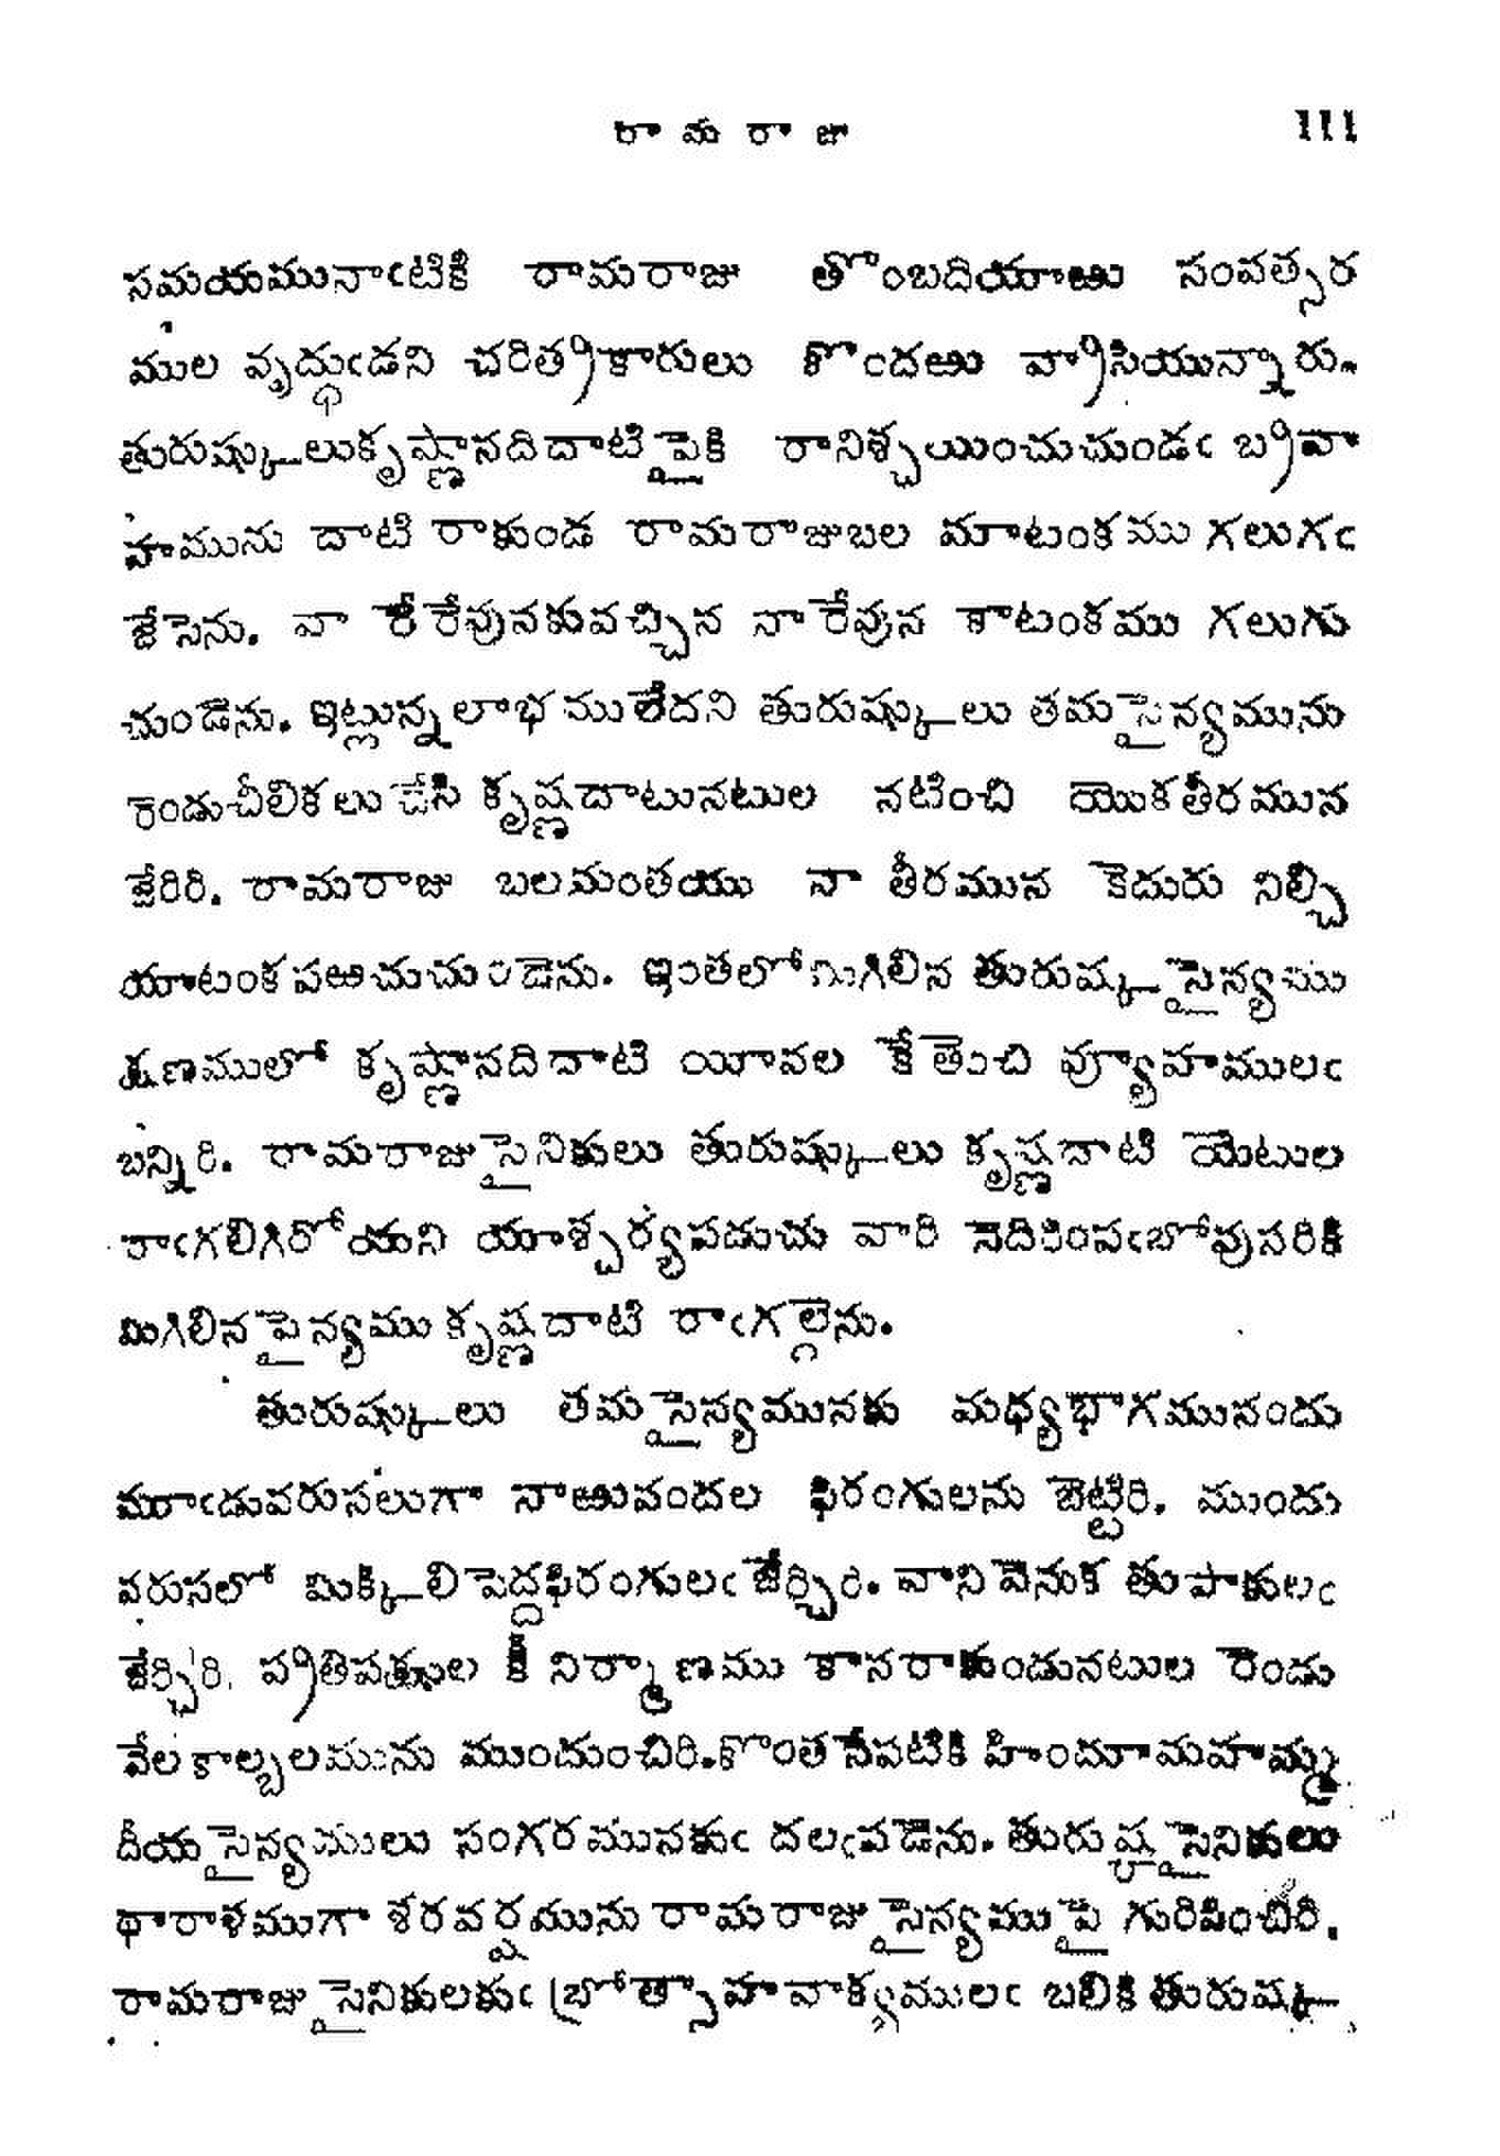సమయమునాటికి రామరాజు తొంబదియాఱు సంవత్సరముల వృద్ధుడని చరిత్రకారులు కొందఱు వ్రాసియున్నారు. తురుష్కులు కృష్ణానదిదాటిపైకి రానిశ్చయించుచుండ బ్రవాహమును దాటి రాకుండ రామరాజుబల మాటంకము గలుగ జేసెను. వా రేరేవునకువచ్చిన నారేవున కాటంకము గలుగు చుండెను. ఇట్లున్నలాభములేదని తురుష్కులు తమసైన్యమును రెండుచీలికలు చేసి కృష్ణదాటునటుల నటించి యొకతీరమున జేరిరి. రామరాజు బలమంతయు నా తీరమున కెదురు నిల్చి యాటంకపఱచుచుండెను. ఇంతలో మిగిలిన తురుష్కసైన్యము క్షణములో కృష్ణానదిదాటి యీవల కేతెంచి వ్యూహముల బన్నిరి. రామరాజుసైనికులు తురుష్కులు కృష్ణదాటి యెటుల రాగలిగిరో యని యాశ్చర్యపడుచు వారి నెదిరింపబోవుసరికి మిగిలినసైన్యము కృష్ణదాటి రాగల్గెను.

తురుష్కులు తమసైన్యమునకు మధ్యభాగమునందు మూడువరుసలుగా నాఱువందల ఫిరంగులను బెట్టిరి. ముందు వరుసలో మిక్కిలి పెద్దఫిరంగుల జేర్చిరి. వానివెనుక తుపాకుల జేర్చిరి. ప్రతిపక్షుల కీ నిర్మాణము కానరాకుండునటుల రెండువేల కాల్బలమును ముందుంచిరి. కొంతసేపటికి హిందూమహమ్మదీయ సైన్యములు సంగరమునకు దలపడెను. తురుష్కసైనికులు ధారాళముగా శరవర్షమును రామరాజు సైన్యముపై గురిపించిరి. రామరాజు సైనికులకు బ్రోత్సాహవాక్యముల బలికి తురుష్క